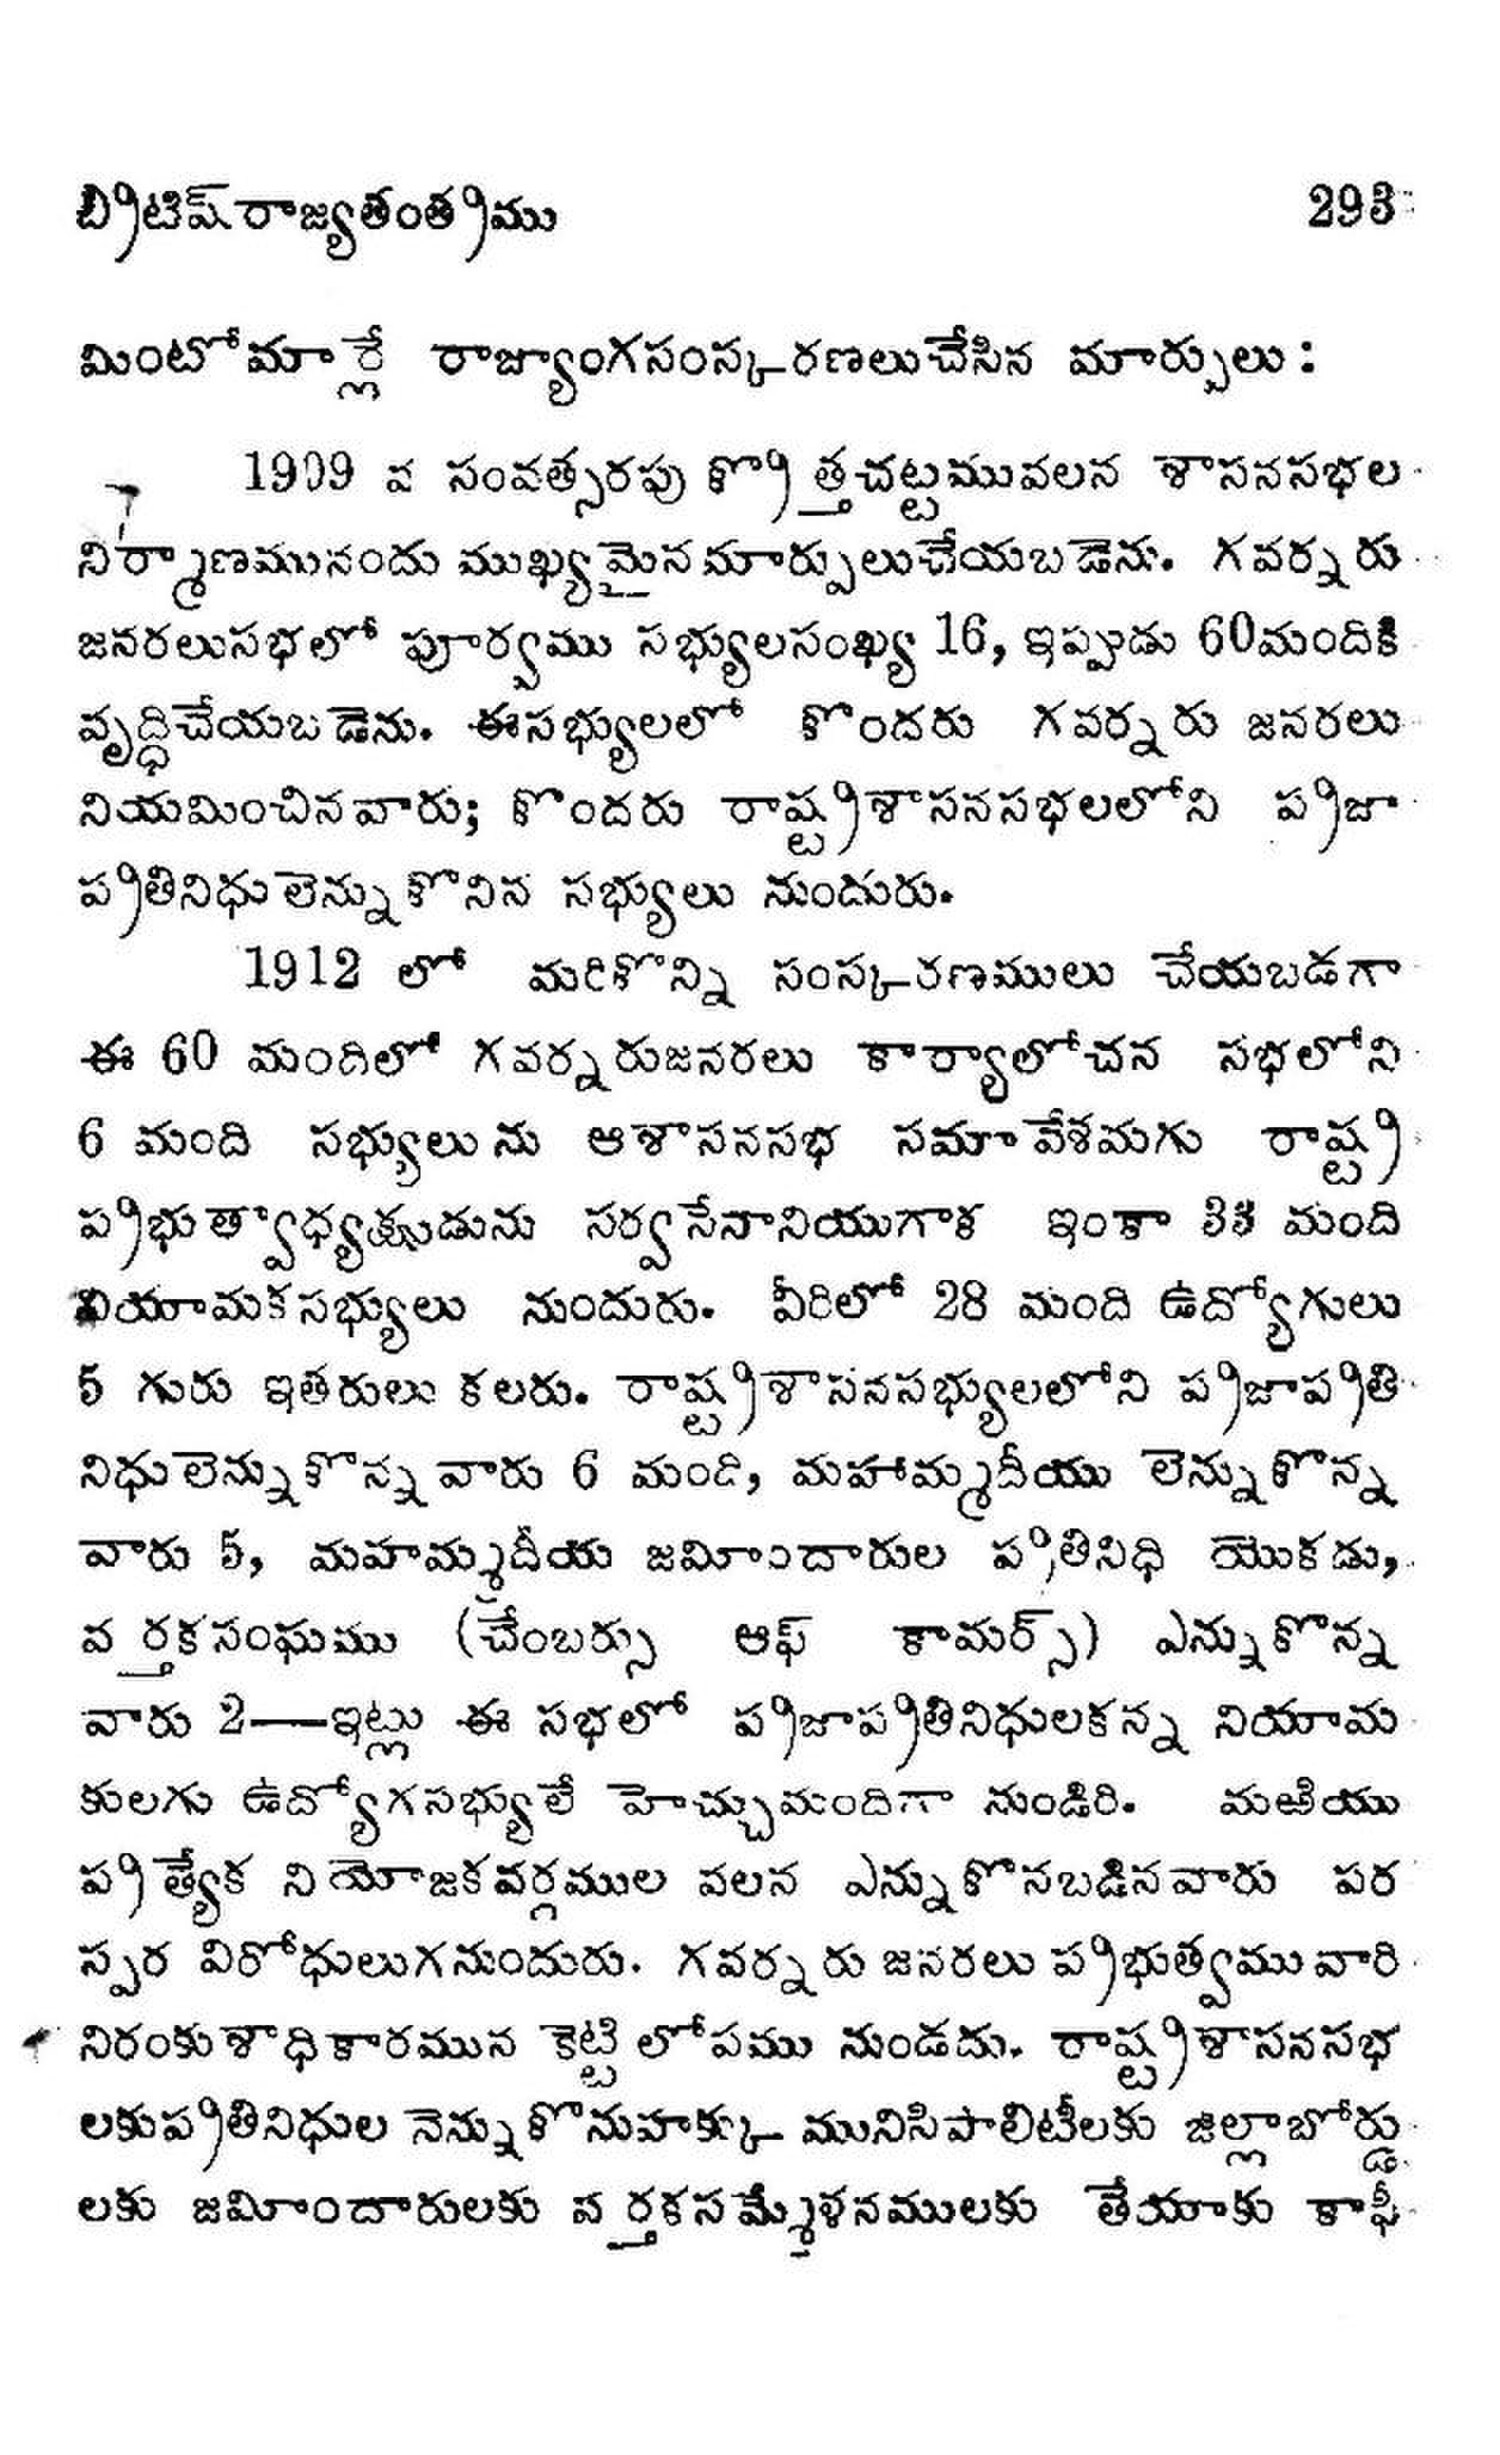మింటోమార్లే రాజ్యాంగసంస్కరణలుచేసిన మార్పులు : - 

1909 వ సంవత్సరపు క్రొత్తచట్టమువలన శాసనసభల నిర్మాణమునందు ముఖ్యమైనమార్పులు చేయబడెను. గవర్నరుజనరలుసభలో పూర్వము సభ్యులసంఖ్య 16, ఇప్పుడు 60 మందికి వృద్ధిచేయబడెను. ఈసభ్యులలో కొందరు గవర్నరు జనరలు నియమించినవారు; కొందరు రాష్ట్రశాసనసభలలోని ప్రజాప్రతినిధులెన్నుకొనిన సభ్యులు నుందురు.

1912 లో మరికొన్ని సంస్కరణములు చేయబడగా ఈ 60 మందిలో గవర్నరుజనరలు కార్యాలోచన సభలోని 6 మంది సభ్యులును ఆశాసనసభ సమావేశమగు రాష్ట్ర ప్రభుత్వాధ్యక్షుడును సర్వసేనానియుగాక ఇంకా 33 మంది నియామకసభ్యులు నుందురు. వీరిలో 28 మంది ఉద్యోగులు 5 గురు ఇతరులు కలరు. రాష్ట్రశాసనసభ్యులలోని ప్రజాప్రతినిధు లెన్నుకొన్నవారు 6 మంది, మహామ్మదీయు లెన్నుకొన్నవారు 5, మహమ్మదీయ జమీందారుల ప్రతినిధి యొకడు, వర్తకసంఘము (చేంబర్సు ఆఫ్ కామర్స్) ఎన్నుకొన్నవారు 2 – ఇట్లు ఈ సభలో ప్రజాప్రతినిధులకన్న నియామకులగు ఉద్యోగసభ్యులే హెచ్చుమందిగా నుండిరి. మఱియు ప్రత్యేక నియోజకవర్గముల వలన ఎన్నుకొనబడినవారు పరస్పర విరోధులుగ నుందురు. గవర్నరుజనరలుప్రభుత్వమువారి నిరంకుశాధికారమున కెట్టి లోపము నుండదు. రాష్ట్రశాసనసభలకు ప్రతినిధుల నెన్నుకొనుహక్కు మునిసిపాలిటీలకు జిల్లాబోర్డులకు జమీందారులకు వర్తకసమ్మేళనములకు తేయాకు కాఫీ.